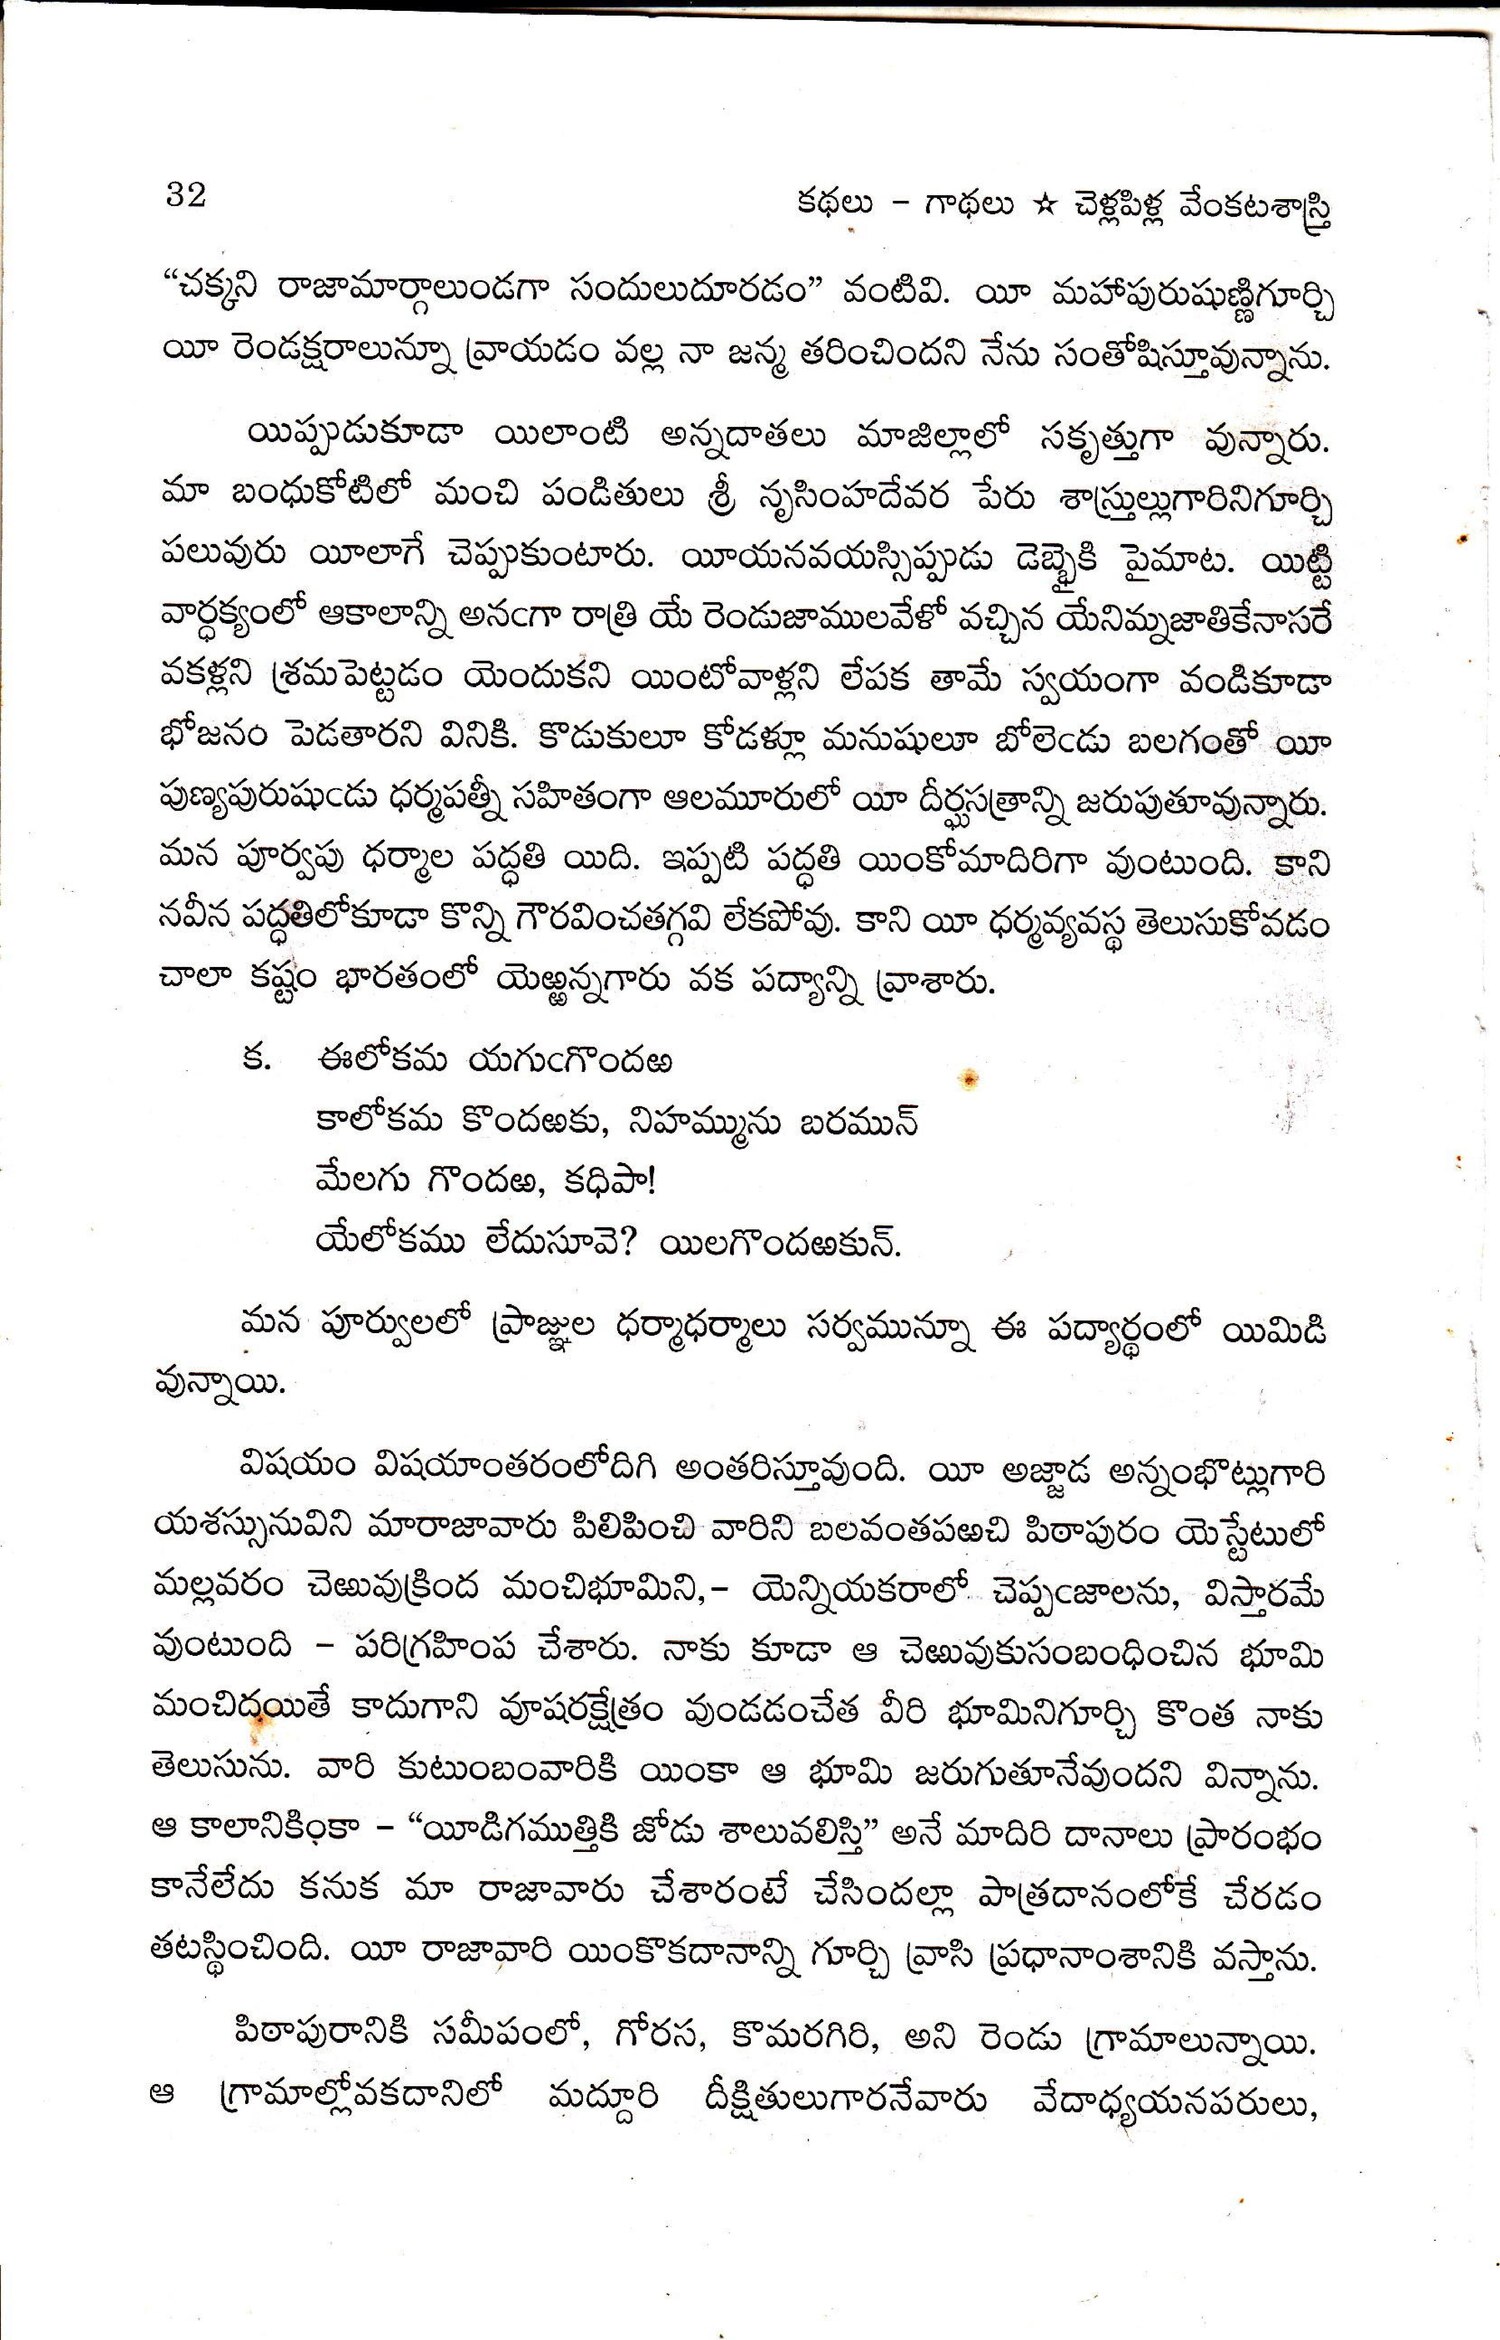"చక్కని రాజామార్గాలుండగా సందులుదూరడం” వంటివి. యూ మహాపురుషుణ్ణిగూర్చి యీ రెండక్షరాలున్నూ వ్రాయడం వల్ల నా జన్మ తరించిందని నేను సంతోషిస్తూవున్నాను.

యిప్పడుకూడా యిలాంటి అన్నదాతలు మాజిల్లాలో సకృత్తుగా వున్నారు. మా బంధుకోటిలో మంచి పండితులు శ్రీ నృసింహదేవర పేరు శాస్రుల్లుగారినిగూర్చి పలువురు యీలాగే చెప్పకుంటారు. యీయనవయస్సిప్పడు డెబ్భైకి పైమాట. యిట్టి వార్ధక్యంలో ఆకాలాన్ని అనంగా రాత్రి యే రెండుజాములవేళో వచ్చిన యేనిమ్నజాతికేనాసరే వకళ్లని శ్రమపెట్టడం యెందుకని యింటోవాళ్లని లేపక తామే స్వయంగా వండికూడా భోజనం పెడతారని వినికి. కొడుకులూ కోడళూ మనుషులూ బోలెండు బలగంతో యీ పుణ్యపురుషుండు ధర్మపత్నీ సహితంగా ఆలమూరులో యీ దీర్ఘసత్రాన్ని జరుపుతూవున్నారు. మన పూర్వపు ధర్మాల పద్ధతి యిది. ఇప్పటి పద్ధతి యింకోమాదిరిగా వుంటుంది. కాని నవీన పద్ధతిలోకూడా కొన్ని గౌరవించతగ్గవి లేకపోవు. కాని యీ ధర్మవ్యవస్థ తెలుసుకోవడం చాలా కష్టం భారతంలో యెల్దన్నగారు వక పద్యాన్ని వ్రాశారు.

క. ఈలోకము యగుంగొందఱ 
కాలోకము కొందఱకు, నిహమ్మను బరమున్ 
మేలగు గొందఱ, కధిపా! 
యేలోకము లేదుసూవె? యిలగొందఱకున్.

మన పూర్వులలో ప్రాజ్ఞల ధర్మాధర్మాలు సర్వమున్నూ ఈ పద్యార్థంలో యిమిడి వున్నాయి.

విషయం విషయాంతరంలోదిగి అంతరిస్తూవుంది. యీ అజ్జాడ అన్నంభౌట్లుగారి యశస్సునువిని మారాజావారు పిలిపించి వారిని బలవంతపఱచి పిఠాపురం యెస్టేటులో మల్లవరం చెఱువు క్రింద మంచిభూమిని, - యెన్నియకరాలో చెప్పంజాలను, విస్తారమే వుంటుంది - పరిగ్రహింప చేశారు. నాకు కూడా ఆ చెఱువుకుసంబంధించిన భూమి మంచిదయితే కాదుగాని వూషరక్షేత్రం వుండడంచేత వీరి భూమినిగూర్చి కొంత నాకు తెలుసును. వారి కుటుంబంవారికి యింకా ఆ భూమి జరుగుతూనేవుందని విన్నాను. ఆ కాలానికింకా - “యీడిగముత్తికి జోడు శాలువలిస్తి" అనే మాదిరి దానాలు ప్రారంభం కానేలేదు కనుక మా రాజావారు చేశారంటే చేసిందల్లా పాత్రదానంలోకే చేరడం తటస్థించింది. యీ రాజావారి యింకొకదానాన్ని గూర్చి వ్రాసి ప్రధానాంశానికి వస్తాను.

పిఠాపురానికి సమీపంలో, గోరస, కొమరగిరి, అని రెండు గ్రామాలున్నాయి. ఆ గ్రామాల్లోవకదానిలో మదూరి దీక్షితులుగారనేవారు వేదాధ్యయనపరులు,